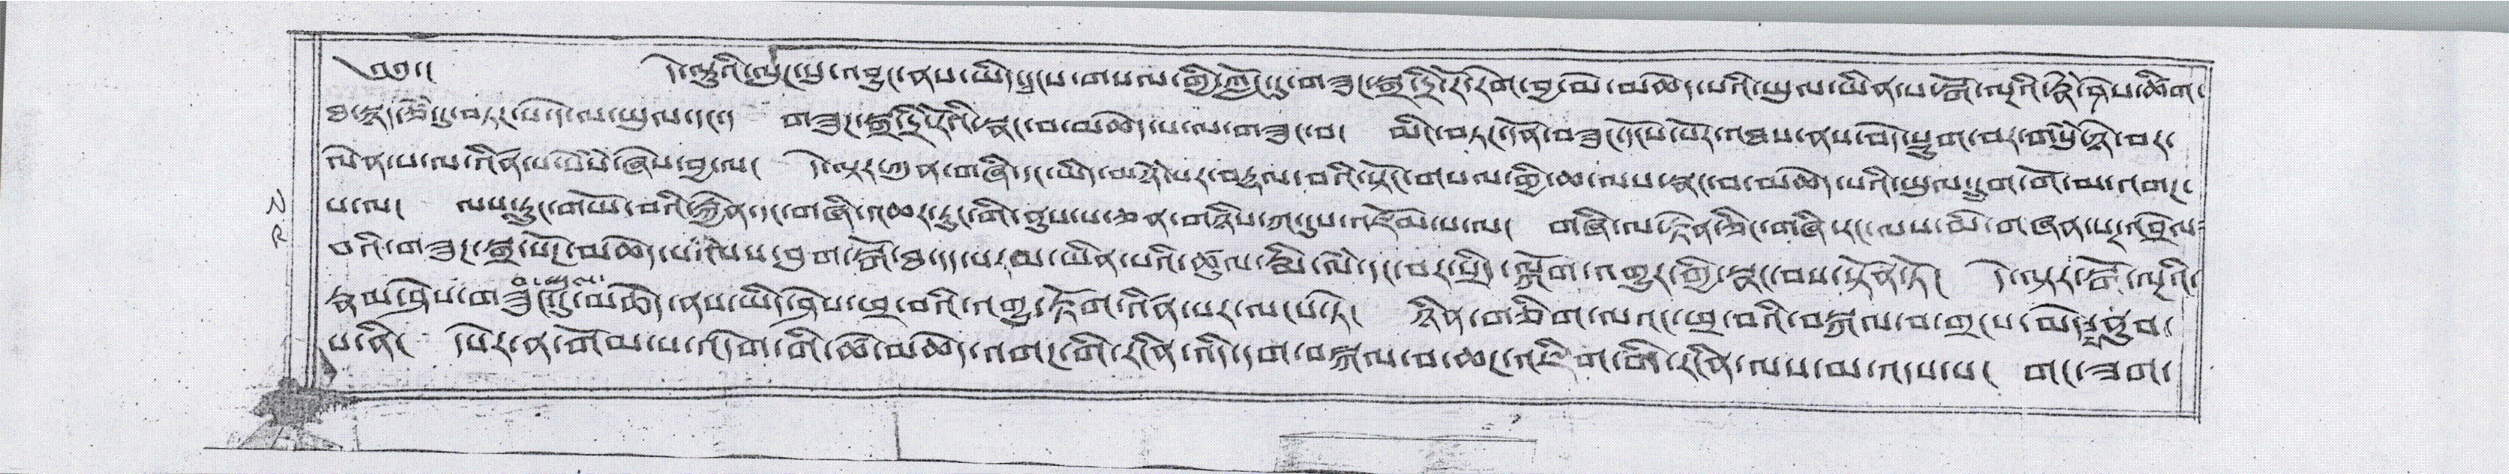དེ་ལྟ་བུའི་ལུགས་སུ་འབྱུང་ནས་ཡིད་དྭངས་གསལ་གྱི་ཀློང་དུ་གཟུགས་སྒྲ་དྲི་རོ་རེག་བྱ་མེ་མཆེད་པའི་ཡུལ་ཡིན་པས་སྒོ་ལྔའི་རྣམ་ཤེས་ཚིག་
ཐ་སྙད་ཙམ་དུ་བཏགས་པ་དེ་ལ་ཡུལ་དང་། གཟུགས་སྒྲ་དྲི་རོའི་སྣང་བ་མཆེད་པ་ལ་གཟུང་བ། མིང་བཏགས་དོན་བཟུང་དངོས་པོར་འཐས་ནས་བདེ་སྡུག་བར་གསུམ་ཉེ་བར་
ལེན་པ་ལ་འཛིན་པ་སེམས་ཞེས་བྱ་ལ། དེ་ལྟར་ཀུན་གཞི་དང་ཡིད་མཉམ་པར་བརྡལ་བའི་སྟོང་གསལ་གྱི་ཆ་ལས་སྣང་བ་མཆེད་པའི་ཡུལ་དྲུག་གོ་མ་འགགས་
པ་ལ། ལས་རླུང་གཡོ་བའི་རྐྱེན་དང་གཞི་འཆར་རུང་གི་ནུས་པ་ཅན་གཉིས་ཀ་དུས་འཛོམ་པ་ལ། གཞི་ལ་བརྟེན་ཅིང་གཞི་རང་ལས་མི་གཞན་པར་འབྲེལ་
བའི་གཟུགས་སྒྲ་སོགས་མཆེད་པ་ལས་བུག་སྒོ་ཐ་དད་པ་མ་ཡིན་པའི་ཚུལ་རྨི་ལམ་དང་བར་སྲིད་ལྐོག་གྱུར་གྱི་སྣང་བས་སྟོན་ཏོ། དེ་ལྟར་སྒོ་ལྔའི་
རྣམ་ཤེས་གཟུང་བ་ཡུལ་དུ་མཆེད་ནས་ཡིད་ཤེས་ཕྲ་བའི་འགྱུ་རྟོག་འཛིན་པར་ལངས་ཏེ། ཉིན་གཅིག་ལའང་ཕྲ་བའི་བསྐལ་པ་གྲངས་མེད་པ་ནུབ་
པ་ནི། དཔེར་ན་གོམས་པ་དེ་དག་གི་ཚེ་མཆེད་འགག་གི་རང་བཞིན་འདི་དག་བསྐལ་པ་ཆག་འཇིག་གི་རང་བཞིན་ལས་མ་འདས་པ། གང་ཟག་